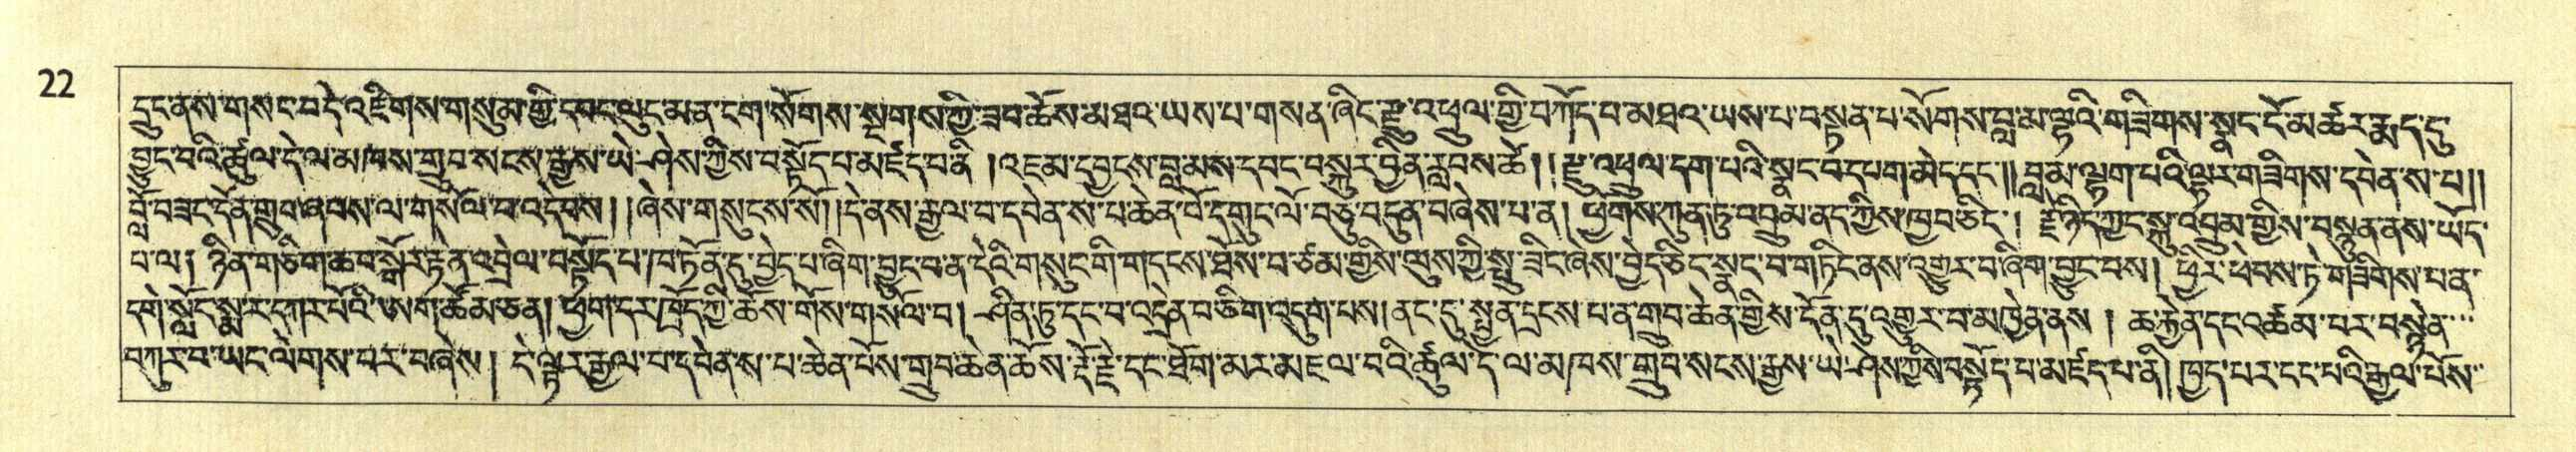དྲུང་ནས་གསང་བདེ་འཇིགས་གསུམ་གྱི་དབང་ལུང་མན་ངག་སོགས་སྔགས་ཀྱི་ཟབ་ཆོས་མཐའ་ཡས་པ་གསན་ཞིང་རྫུ་འཕྲུལ་གྱི་བཀོད་པ་མཐའ་ཡས་པ་བསྟན་པ་སོགས་བླ་མ་ལྷའི་གཟིགས་སྣང་ངོ་མཚར་རྨད་དུ་
བྱུང་བའི་ཚུལ་དེ་ལ་མཁས་གྲུབ་སངས་རྒྱས་ཡེ་ཤེས་ཀྱིས་བསྟོད་པ་མཛད་པ་ནི་།འཇམ་དབྱངས་བླ་མས་དབང་བསྐུར་བྱིན་རླབས་ཚེ། །རྫུ་འཕྲུལ་དག་པའི་སྣང་བ་དཔག་མེད་དང་། །བླ་མ་ལྷག་པའི་ལྷར་གཟིགས་དབེན་ས་པ། །
བློ་བཟང་དོན་གྲུབ་ཞབས་ལ་གསོལ་བ་འདེབས། །ཞེས་གསུངས་སོ། །དེ་ནས་རྒྱལ་བ་དབེན་ས་པ་ཆེན་པོ་དགུང་ལོ་བཅུ་བདུན་བཞེས་པ་ན། ཕྱོགས་ཀུན་ཏུ་འབྲུམ་ནད་ཀྱིས་ཁྱབ་ཅིང་། རྗེ་ཉིད་ཀྱང་སྐུ་འབྲུམ་གྱིས་བསྙུན་ནས་ཡོད་
པ་ལ༑ ཉིན་གཅིག་ཆ་བ་སྒོར་རྟེན་འབྲེལ་བསྟོད་པ་ཁ་ཏོན་དུ་བྱེད་པ་ཞིག་བྱུང་བ་ན་དེའི་གསུང་གི་གདངས་ཐོས་བ་ཙམ་གྱིས་ལུས་ཀྱི་སྤུ་ཟིང་ཞེས་བྱེད་ཅིང་སྣང་བ་གཏིང་ནས་འགྱུར་བ་ཞིག་བྱུང་བས། ཕྱིར་ཕེབས་ཏེ་གཟིགས་པ་ན་
དགེ་སློང་སྨ་ར་དཀར་པོའི་ཨག་ཚོམ་ཅན། ཕྱག་དར་ཁྲོད་ཀྱི་ཆོས་གོས་གསོལ་བ། ཤིན་ཏུ་དང་བ་འདྲེན་པ་ཅིག་འདུག་པས། ནང་དུ་སྤྱན་དྲངས་པ་ན་གྲུབ་ཆེན་གྱིས་དོན་དུ་འགྱུར་བ་མཁྱེན་ནས། ཆ་རྐྱེན་དང་འཚམ་པར་བསྙེན་
བཀུར་བ་ཡང་ལེགས་པར་བཞེས། དེ་ལྟར་རྒྱལ་བ་དབེན་ས་པ་ཆེན་པོས་གྲུབ་ཆེན་ཆོས་རྡོ་རྗེ་དང་ཐོག་མར་མཇལ་བའི་ཚུལ་དེ་ལ་མཁས་གྲུབ་སངས་རྒྱས་ཡེ་ཤེས་ཀྱིས་བསྟོད་པ་མཛད་པ་ནི། ཁྱད་པར་དང་པའི་རྒྱལ་པོས་